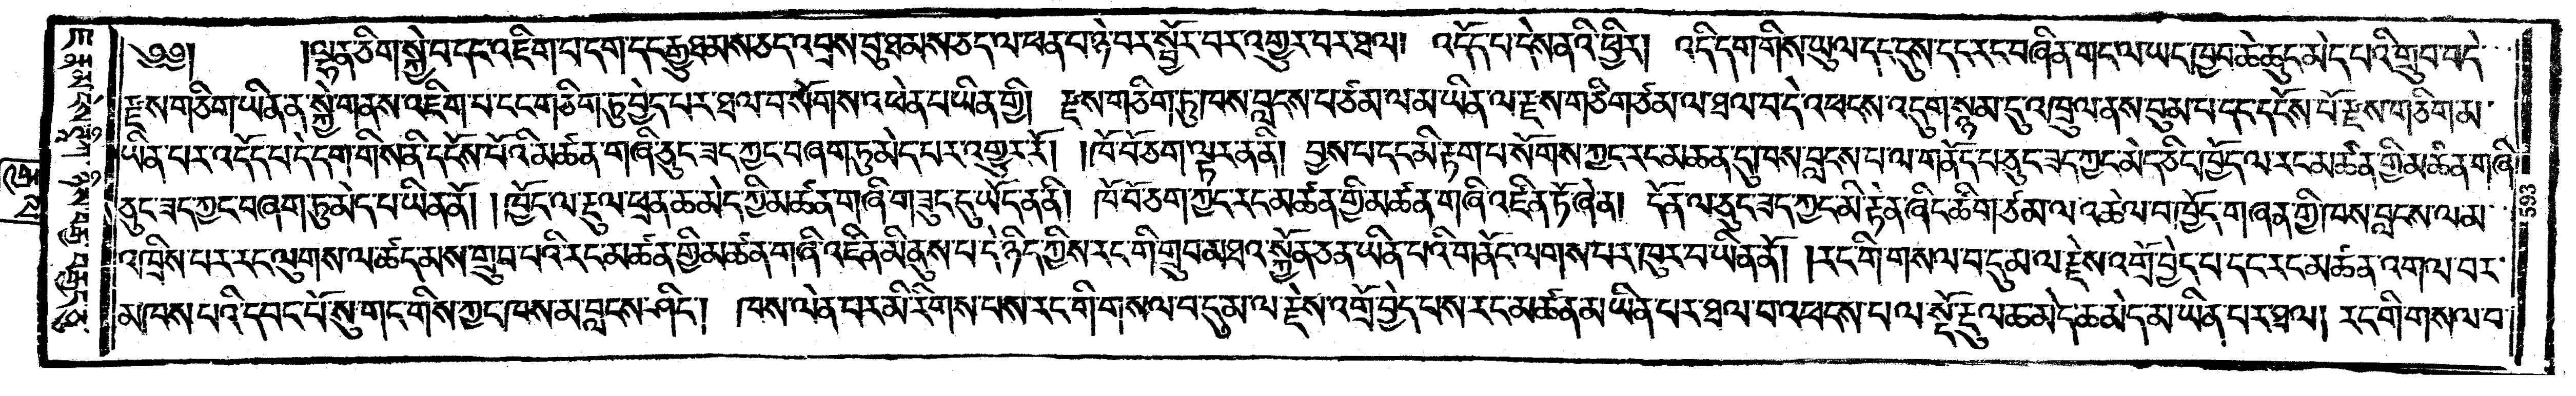༄༅། །ལྷན་ཅིག་སྐྱེ་བ་དང་འཇིག་པ་དག་དང་རྒྱུ་ཐམས་ཅད་འབྲས་བུ་ཐམས་ཅད་ལ་ཕན་པ་ཉེ་བར་སྦྱོར་བར་འགྱུར་བར་ཐལ། འདོད་པ་དེས་ནའི་ཕྱིར། འདི་དག་གིས་ཡུལ་དང་དུས་དང་རང་བཞིན་གང་ལ་ཡང་ཁྱབ་ཆེ་ཆུང་མེད་པའི་གྲུབ་བདེ་
རྫས་གཅིག་ཡིན་ན་སྐྱེ་གནས་འཇིག་པ་ངང་གཅིག་ཏུ་བྱེད་པར་ཐལ་བ་སོགས་འཕེན་པ་ཡིན་གྱི། རྫས་གཅིག་ཏུ་ཁས་བླངས་པ་ཙམ་ལ་མ་ཡིན་ལ་རྫས་གཅིག་ཙམ་ལ་ཐལ་བ་དེ་འཕངས་འདུག་སྙམ་དུ་འཁྲུལ་ནས་བུམ་པ་དང་དངོས་པོ་རྫས་གཅིག་མ་
ཡིན་པར་འདོད་པ་དེ་དག་གིས་ནི་དངོས་པོའི་མཚན་གཞི་ཅུང་ཟད་ཀྱང་བཞག་ཏུ་མེད་པར་འགྱུར་རོ། །ཁོ་བོ་ཅག་ལྟར་ན་ནི། བྱས་པ་དང་མི་རྟག་པ་སོགས་ཀྱང་རང་མཆན་དུ་ཁས་བླངས་པ་ལ་གནོད་པ་ཅུང་ཟད་ཀྱང་མེད་ཅིང་ཁྱོད་ལ་རང་མཚན་གྱི་མཚན་གཞི་
ཅུང་ཟད་ཀྱང་བཞག་ཏུ་མེད་པ་ཡིན་ནོ། །ཁྱོད་ལ་རྡུལ་ཕྲན་ཆ་མེད་ཀྱི་མཚན་གཞི་གཟུང་དུ་ཡོད་ན་ནི། ཁོ་བོ་ཅག་ཀྱང་རང་མཚན་གྱི་མཚན་གཞི་འཛིན་ཏོ་ཞེ་ན། དོན་ལ་ཅུང་ཟད་ཀྱང་མི་རྟེན་ཞིང་ཚིག་ཙམ་ལ་འཚལ་བ་ཁྱོད་གཞན་གྱི་ཁས་བླངས་ལ་མ་
འཁྲིས་པར་རང་ལུགས་ལ་ཚད་མས་གྲུབ་པའི་རང་མཚན་གྱི་མཚན་གཞི་འཛིན་མི་ནུས་པ་དེ་ཉིད་ཀྱིས་རང་གི་གྲུབ་མཐའ་སྐྱོན་ཅན་ཡིན་པའི་གནོད་ལགས་པར་ཁུར་བ་ཡིན་ནོ། །རང་གི་གསལ་བ་དུ་མ་ལ་རྗེས་འགྲོ་བྱེད་པ་དང་རང་མཚན་འགལ་བར་
མཁས་པའི་དབང་པོ་སུ་གང་གིས་ཀྱང་ཁས་མ་བླངས་ཤིང་། ཁས་ལེན་པར་མི་རིགས་པས་རང་གི་གསལ་བ་དུ་མ་ལ་རྗེས་འགྲོ་བྱེད་པས་རང་མཚན་མ་ཡིན་པར་ཐལ་བ་འཕངས་པ་ལ་སྔོ་རྡུལ་ཆ་མེད་ཆ་མེད་མ་ཡིན་པར་ཐལ། རང་གི་གསལ་བ་